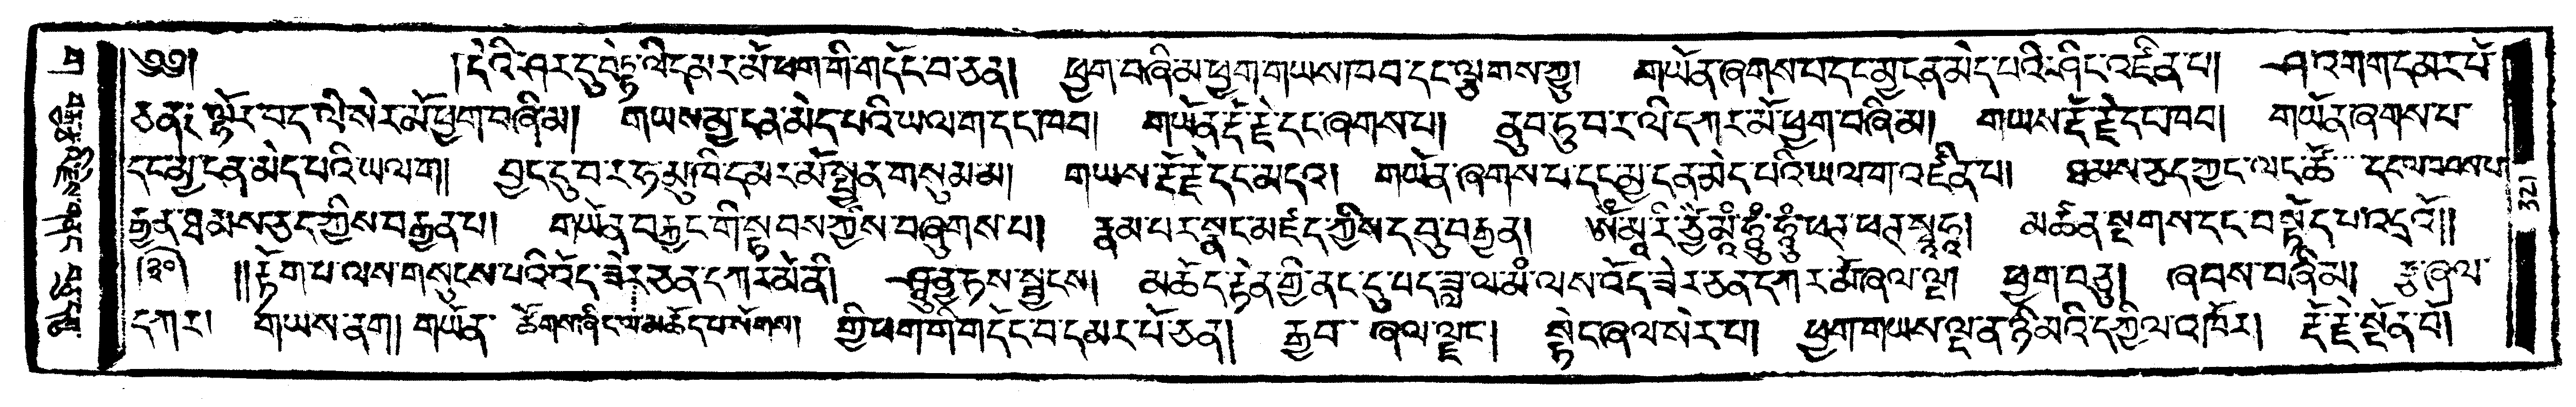༄༅། །དེའི་ཤར་དུ་བེཏྟ་ལི་དམར་མོ་ཕག་གི་གདོང་བ་ཅན། ཕྱག་བཞི་མ་ཕྱག་གཡས་ཁབ་དང་ལྕགས་ཀྱུ། གཡོན་ཞགས་པ་དང་མྱ་ངན་མེད་པའི་ཤིང་འཛིན་པ། ཤ་འགག་དམར་པོ་
ཅན༑ ལྷོར་བད་ལི་སེར་མོ་ཕྱག་བཞི་མ། གཡས་མྱ་ངན་མེད་པའི་ཡལ་ག་དང་ཁབ། གཡོན་རྡོ་རྗེ་དང་ཞགས་པ། ནུབ་ཏུ་བ་ར་ལི་དཀར་མོ་ཕྱག་བཞི་མ། གཡས་རྡོ་རྗེ་དང་ཁབ། གཡོན་ཞགས་པ་
དང་མྱ་ངན་མེད་པའི་ཡལ་ག། བྱང་དུ་བ་ར་ཧ་མུ་ཁི་དམར་མོ་སྤྱན་གསུམ་མ། གཡས་རྡོ་རྗེ་དང་མདའ། གཡོན་ཞགས་པ་དང་མྱ་ངན་མེད་པའི་ཡལ་ག་འཛིན་པ། ཐམས་ཅད་ཀྱང་ལང་ཚོ་དང་ལ་བབས་པ་
རྒྱན་ཐམས་ཅད་ཀྱིས་བརྒྱན་པ། གཡོན་བརྐྱང་གི་སྟབས་ཀྱིས་བཞུགས་པ། རྣམ་པར་སྣང་མཛད་ཀྱིས་དབུ་བརྒྱན། ཨོཾ་མཱ་རི་ཙྱཻ་མཱཾ་ཧཱུཾ་ཧཱུཾ་ཕཊ་ཕཊ་སྭཱཧཱ། མཚན་སྔགས་དང་བསྟོད་པ་འདྲའོ།།
༣༠?་།།རྟོག་པ་ལས་གསུངས་པའི་འོད་ཟེར་ཅན་དཀར་མོ་ནི། ཤཱུ་ནྱ་ཏས་སྦྱངས། མཆོད་རྟེན་གྱི་ནང་དུ་པད་ཟླ་ལ་མཾ་ལས་འོད་ཟེར་ཅན་དཀར་མོ་ཞལ་ལྔ། ཕྱག་བཅུ། ཞབས་བཞི་མ། རྩ་ཞལ་
དཀར། གཡས་ནག། གཡོན་ཚོགས་ཞིང་ལ་མཆོད་པ་སོགས། གྱི་ཕག་གི་གདོང་བ་དམར་པོ་ཅན། རྒྱབ་ཞལ་ལྗང་། སྟེང་ཞལ་སེར་པ། ཕྱག་གཡས་ལྔ་ན་ཉི་མའི་དཀྱིལ་འཁོར། རྡོ་རྗེ་སྔོན་པོ།